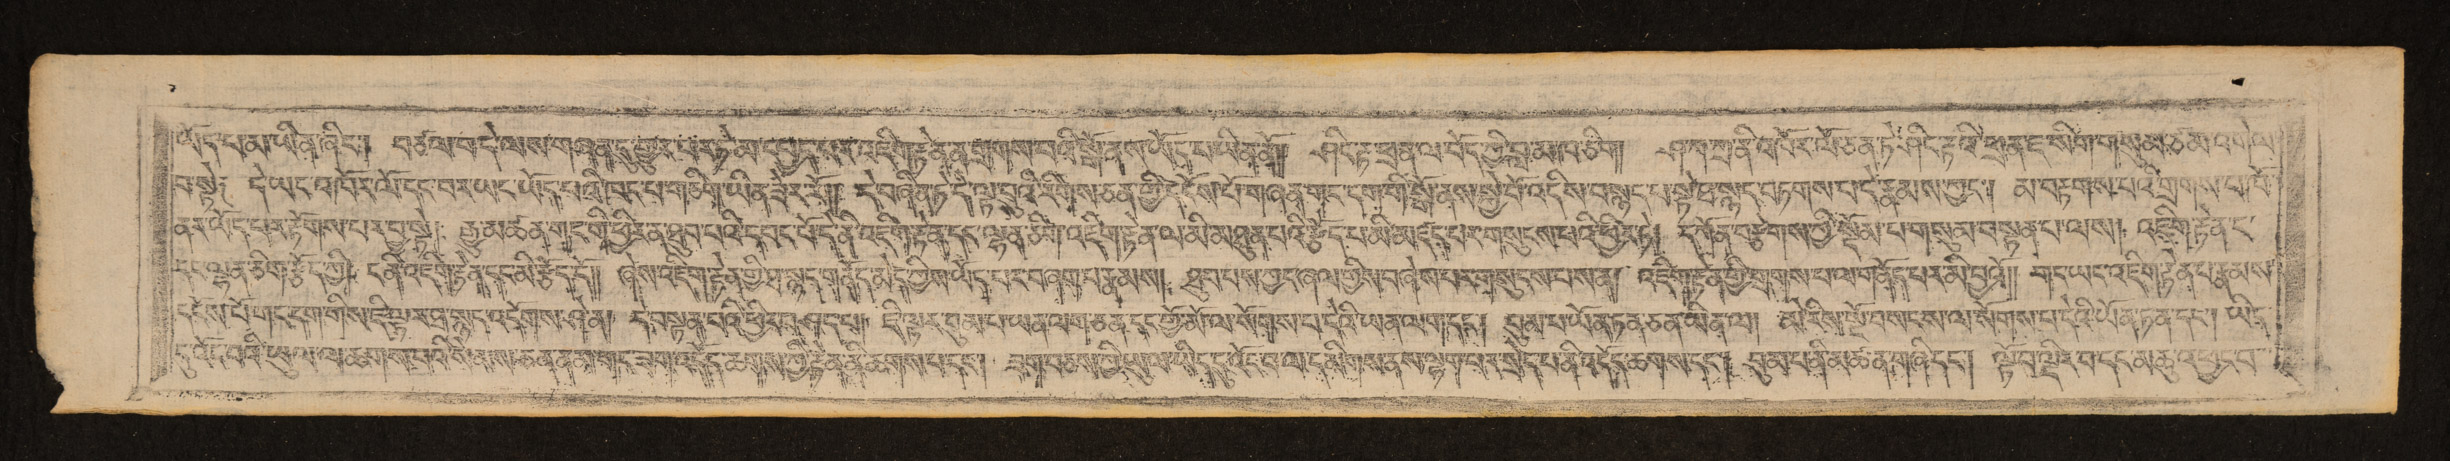ཡོད་པ་མ་ཡིན་ཞིང་། བཙལ་བ་དེ་ལས་གཞན་དུ་གྱུར་པར་ཏེ་མ་དཔྱད་པར་འཇིག་རྟེན་ན་གྲགས་པའི་སྒོ་ནས་ཡོད་པ་ཡིན་ནོ།། ཤིང་རྟ་ཕྲན་ལ་བོད་ཀྱི་བླ་མ་ཁ་ཅིག། ཤ་ཀ་ཀྲ་ནི་འཁོར་ལོ་ཅན་ཏེ་ཤིང་རྟའི་ཕྲན་ཇ་སིག་གསུམ་ཙམ་འགེལ་
བ་སྟེ༑ དེ་ཡང་འཁོར་ལོ་དང་བར་ཡང་ཡོད་པའི་ཁང་པ་གཅིག་ཡིན་ཟེར་རོ།། དེ་བཞིན་ཏེ་དེ་ལྟ་བུའི་རིགས་ཅན་གྱི་དངོས་པོ་གཞན་གང་དག་གི་སྒོ་ནས་སྐྱེ་བོ་འདིས་བསྙད་པ་སྟེ་ཐ་སྙད་བཏགས་པ་དེ་རྣམས་ཀྱང་། མི་བརྟགས་པའི་གྲགས་པ་ཁོ་
ནར་ཡོད་པར་རྟོགས་པར་བྱ་སྟེ། རྒྱུ་མཚན་གང་གི་ཕྱིར་ན་ཐུབ་པའི་དབང་པོ་དེ་ནི་འཇིག་རྟེན་དང་ལྷན་ཅིག་འཇིག་རྟེན་ལ་མི་མཐུན་པའི་རྩོད་པ་མི་མཛད་པར་གསུངས་པའི་ཕྱིར་ཏེ། དཀོན་བརྩེགས་ཀྱི་སྡོམ་པ་གསུམ་བསྟན་པ་ལས། འཇིག་རྟེན་ང་
དང་ལྷན་ཅིག་རྩོད་ཀྱི། ང་ནི་འཇིག་རྟེན་དང་མི་རྩོད་དོ།། ཞེས་འཇིག་རྟེན་གྱི་ཐ་སྙད་གནོད་མེད་ཀྱིས་ཡོད་པར་བཞག་པ་རྣམས། ཐུབ་པས་ཀྱང་ཞལ་གྱིས་བཞེས་པར་གསུངས་པས་ན། འཇིག་རྟེན་གྱི་གྲགས་པ་ལ་གནོད་པར་མི་བྱའོ།། གང་ཡང་འཇིག་རྟེན་པ་རྣམས་
དངོས་པོ་གང་དག་གིས་ཇི་ལྟར་ཐ་སྙད་འདོགས་ཞེ་ན། དེ་བསྟན་པའི་ཕྱིར་བཤད་པ། ཇི་ལྟར་བུམ་པ་ཡན་ལག་ཅན་དང་གྱོ་མོ་ལ་སོགས་པ་དེའི་ཡན་ལག་དང་། བུམ་པ་ཡོན་ཏན་ཅན་ཡིན་ལ། མེ་རིས་སྔོ་བ་སངས་ལ་སོགས་པ་དེའི་ཡོན་ཏན་དང་། ཡིད་
དུ་འོང་བའི་ཡུལ་ལ་ཆགས་པའི་སེམས་ཅན་ནམ་གང་ཟག་འདོད་ཆགས་ཀྱི་རྟེན་ནི་ཆགས་པ་དང་། ཟག་བཅས་ཀྱི་ཡུལ་ཡིད་དུ་འོང་བ་ལ་དམིགས་ནས་ལྷག་པར་སྲེད་པ་ནི་འདོད་ཆགས་དང་། བུམ་པ་ནི་མཚན་གཞི་དང་། ལྟོ་བ་ལྡིར་བ་དང་མཆུ་འཕྱང་བ་